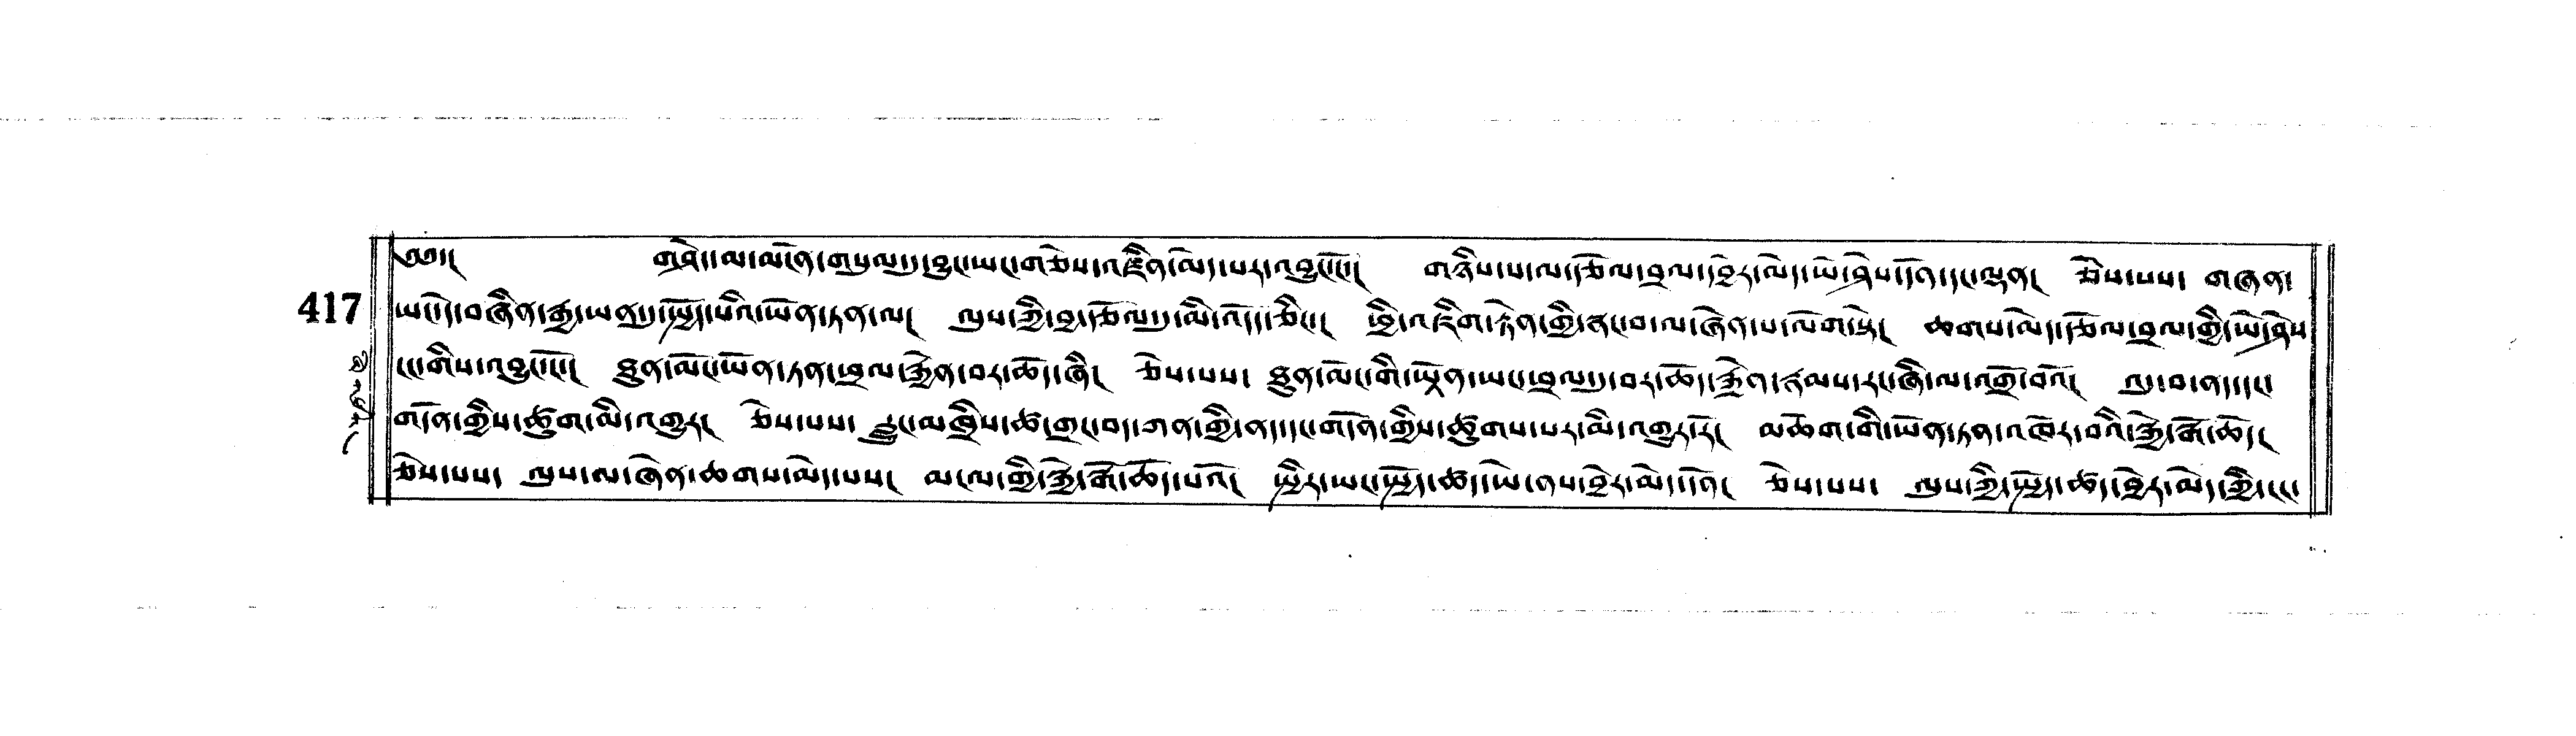གཤེད་མ་མངོན་སུམ་དུ་བྱུང་ཡང་གཅེས་འཛིན་མེད་པར་འབྱུང་ངོ་། གཉིས་པ་ལ། རྩོལ་བྲལ་དབྱེར་མེད་ཡེ་ཤེས་དོན་དང་ལྡན། ཅེས་པས། གཞན་
ཡང་དེ་བཞིན་རྒྱ་ཡན་དུ་སྤྱོད་པའི་ཡོན་ཏན་ལ། ལུས་ཀྱི་བྱ་རྩོལ་དུ་མི་འདོད་ཅིང་། ཕྱི་འཇིག་རྟེན་གྱི་སྣང་བ་ལ་ཞེན་པ་ལོག་སྟེ། ཆགས་མེད་རྩོལ་བྲལ་གྱི་ཡེ་ཤེས་
ངང་གིས་འབྱུང་ངོ་། ཐུན་མོང་ཡོན་ཏན་འཕྲལ་རྐྱེན་བར་ཆོད་ཞི། ཅེས་པས། ཐུན་མོང་གི་ཡོན་ཏན་ཡང་འཕྲལ་དུ་བར་ཆོད་ཀྱི་རྐྱེན་རྣམས་རང་ཞི་ལ་འགྲོ་བའོ། འདུ་བ་ནད་དང་
གདོན་གྱིས་ཚུགས་མི་འགྱུར། རླུང་འཁྲིས་ཚ་གྲང་ནད་དང་གདོན་གྱིས་ཚུགས་པར་མི་འགྱུར་རོ། མཆོག་གི་ཡོན་ཏན་འཁོར་བའི་སྐྱེ་སྒོ་ཆོད། 
ཅེས་པས། ལུས་ལ་ཞེན་ཆགས་མེད་པས། མངལ་གྱི་སྐྱེ་སྒོ་ཆོད་པའོ། སྤྱིར་ཡང་སྤྱོད་ཚད་ཡེ་ནས་བྱར་མེད་དོན། ཅེས་པས། ལུས་ཀྱི་སྤྱོད་ཚད་བྱར་མེད་ཀྱི་ངང་